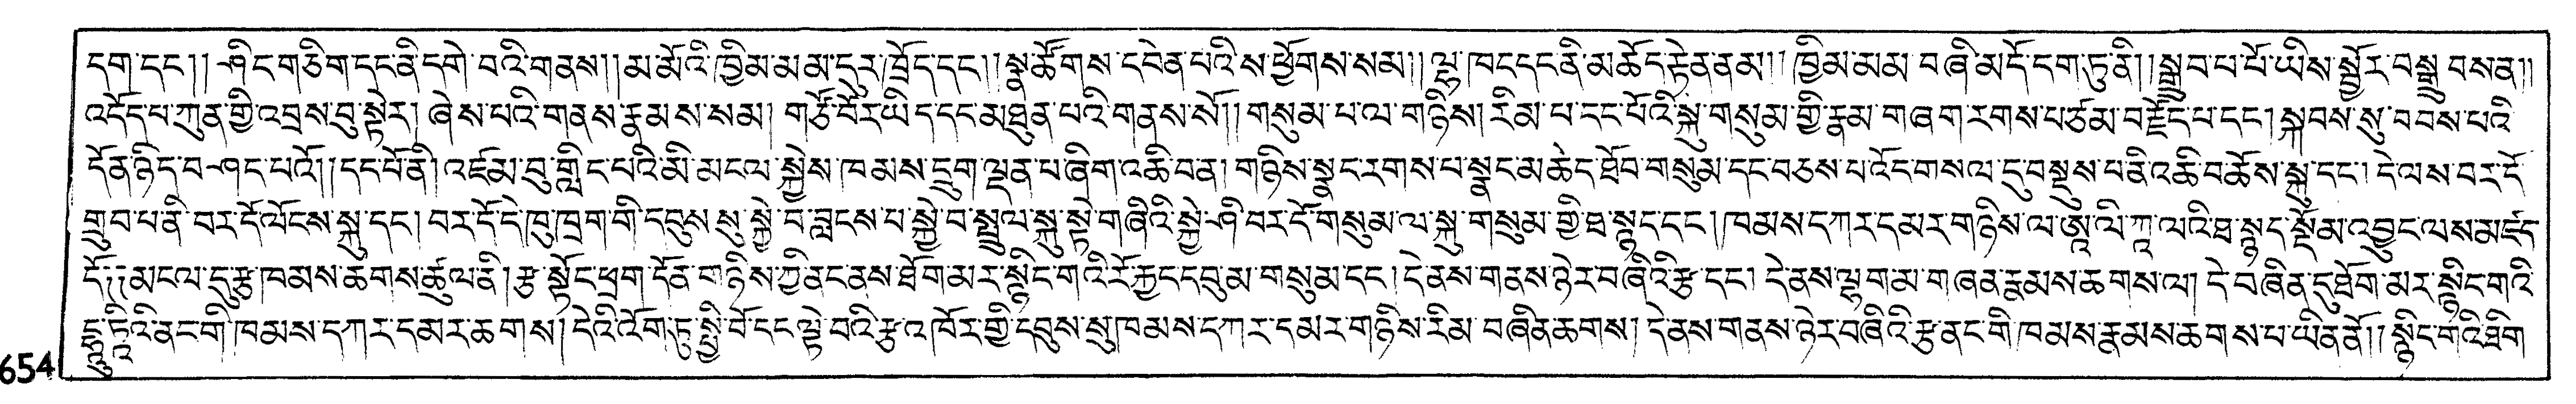དག་དང་། །ཤིང་གཅིག་དང་ནི་དགེ་བའི་གནས། །མ་མོའི་ཁྱིམ་མམ་དུར་ཁྲོད་དང་། །སྣ་ཚོགས་དབེན་པའི་ས་ཕྱོགས་སམ། །ལྷ་ཁང་དང་ནི་མཆོད་རྟེན་ནམ། །ཁྱིམ་མམ་བཞི་མདོ་དག་ཏུ་ནི། །སྒྲུབ་པ་པོ་ཡིས་སྦྱོར་བསྒྲུབས་ན། །
འདོད་པ་ཀུན་གྱི་འབྲས་བུ་སྟེར། ཞེས་པའི་གནས་རྣམས་སམ། གཙོ་བོར་ཡིད་དང་མཐུན་པའི་གནས་སོ། །གསུམ་པ་ལ་གཉིས། རིམ་པ་དང་པོའི་སྐུ་གསུམ་གྱི་རྣམ་གཞག་རགས་པ་ཙམ་བརྗོད་པ་དང་། སྐབས་སུ་བབས་པའི་
དོན་ཉིད་བཤད་པའོ། །དང་པོ་ནི། འཛམ་བུ་གླིང་པའི་མི་མངལ་སྐྱེས་ཁམས་དྲུག་ལྡན་པ་ཞིག་འཆི་བ་ན། གཉིས་སྣང་རགས་པ་སྣང་མཆེད་ཐོབ་གསུམ་དང་བཅས་པ་འོད་གསལ་དུ་བསྡུས་པ་ནི་འཆི་བ་ཆོས་སྐུ་དང་། དེ་ལས་བར་དོ་
གྲུབ་པ་ནི་བར་དོ་ལོངས་སྐུ་དང་། བར་དོ་དེ་ཁུ་ཁྲག་གི་དབུས་སུ་སྐྱེ་བ་བླངས་པ་སྐྱེ་བ་སྤྲུལ་སྐུ་སྟེ་གཞིའི་སྐྱེ་ཤི་བར་དོ་གསུམ་ལ་སྐུ་གསུམ་གྱི་ཐ་སྙད་དང་། ཁམས་དཀར་དམར་གཉིས་ལ་ཨཱ་ལི་ཀཱ་ལའི་ཐ་སྙད་སྡོམ་འབྱུང་ལས་མཛད་
དོ། །མངལ་དུ་རྩ་ཁམས་ཆགས་ཚུལ་ནི། རྩ་སྟོང་ཕྲག་དོན་གཉིས་ཀྱི་ནང་ནས་ཐོག་མར་སྙིང་གའི་རོ་རྐྱང་དབུ་མ་གསུམ་དང་། དེ་ནས་གནས་ཉེར་བཞིའི་རྩ་དང་། དེ་ནས་ལྷག་མ་གཞན་རྣམས་ཆགས་ལ། དེ་བཞིན་དུ་ཐོག་མར་སྙིང་གའི་
དྷཱུ་ཏཱིའི་ནང་གི་ཁམས་དཀར་དམར་ཆགས། དེའི་འོག་ཏུ་སྤྱི་བོ་དང་ལྟེ་བའི་རྩ་འཁོར་གྱི་དབུས་སུ་ཁམས་དཀར་དམར་གཉིས་རིམ་བཞིན་ཆགས། དེ་ནས་གནས་ཉེར་བཞིའི་རྩ་ནང་གི་ཁམས་རྣམས་ཆགས་པ་ཡིན་ནོ། །སྙིང་གའི་ཐིག་